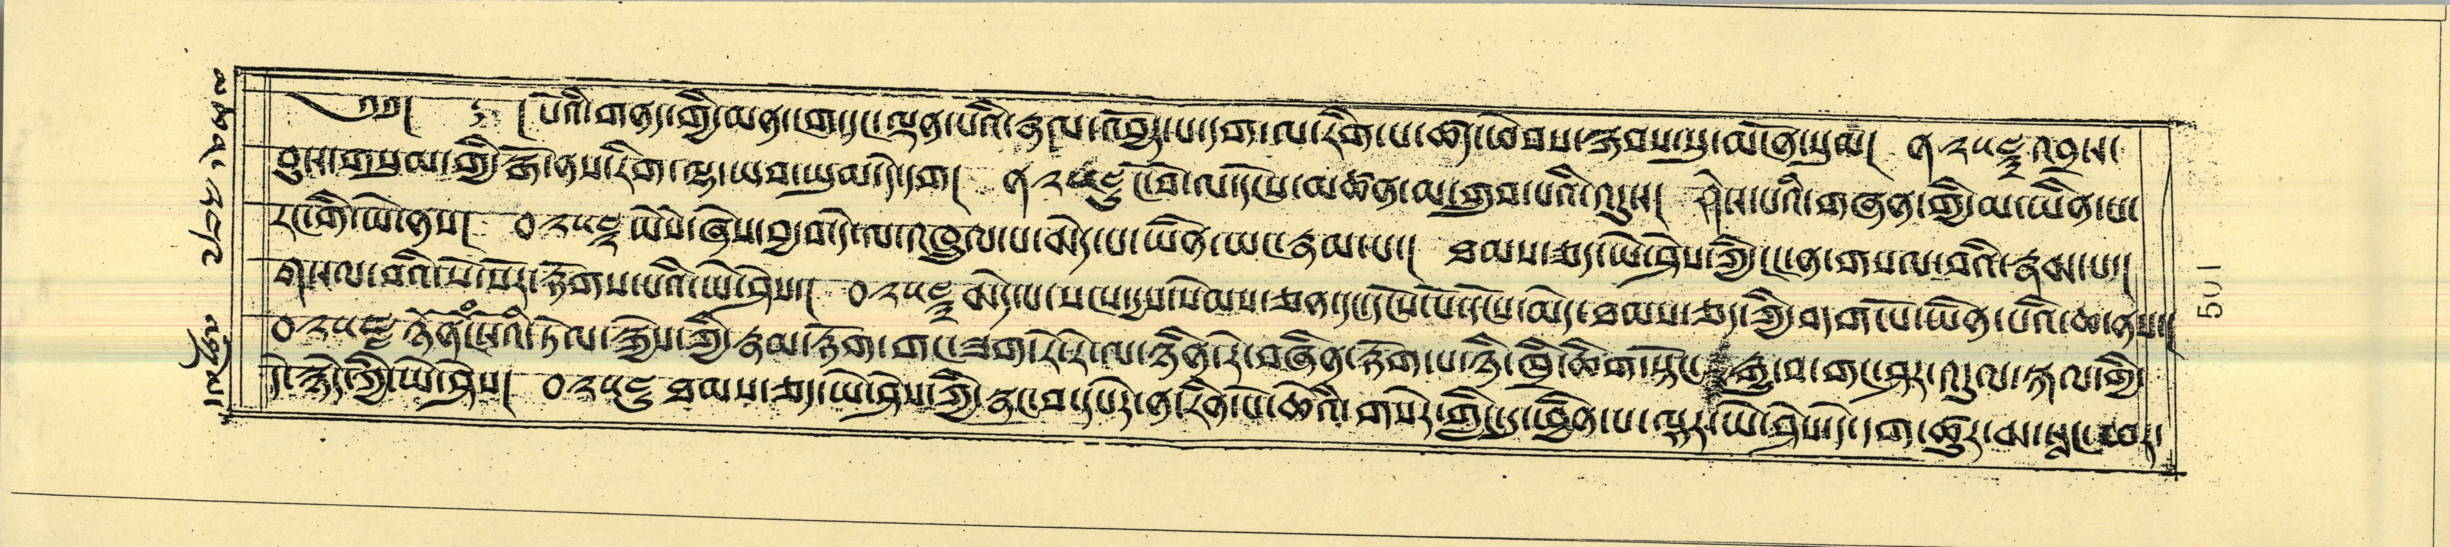པ་དག་ལ་རིག་པ་ཚད་ཕེབས་སྐབས་སུ་མངོན་སུམ་ན༢༥༤།༣༼འབྲས་
བུས༽གསུམ་གྱི་སྒོ་ནས་རིག་ལྷ་ཡབ་ཡུམ་དེ་དག་ན༢༥༤།༦ ངོ་བོ་ལ་དངོས་མཚན་མ་གྲུབ་པའི་༼འདུས་ཤེས་༽པའི་གཞན་གྱི་མ་ཡིན་པ་
རང་གི་ཡེ་ནས་བ༢༥༤།༢ཡེ་ཤེས་ཞེས་བྱ་བ་དེ་ལ་༼འཁྲུལ་པ་མེད་པ༽ཡིན་ཡང་རྣམ་པ་ཐམས་ཅད་ཡེ་ཤེས་ཀྱི་ངང་ན་གསལ་བའི་༼རྣམ་པ
༽༼གསལ་བའི༽སོ་སོར་རྟོགས་པའི་ཡེ་ཤེས་བ༢༥༤།༣༼མེད་པ༽སངས་རྒྱས་སེམས་ཅན་དང་དངོས་པོ་དངོས་མེད་ཐམས་ཅད་ཀྱི་བདག་པོ་ཡིན་པའི་ཆ་ནས་
བ༢༥༤།༤༼ཉོན་མོངས་པའི༽ཏོལ་སྐྱེས་ཀྱི་རྣམ་རྟོག་གང་ཟག་རེ་རེ་ལ་ཉིན་རེ་བཞིན་རྟོག་པ་ཉི་ཁྲི་ཆིག་སྟོང་རྒྱུ་བ་གང་ཤར་༼འདུལ༽སྐལ་གྱི་
དེ་ཉིད་ཀྱི་ཡེ་ཤེས་བ༢༥༤།༦ཐམས་ཅད་ཡེ་ཤེས་ཀྱི་སྣང་བ་དཔེར་ན་རིན་པོ་ཆེའི་གསེར་གླིང་དུ་ཕྱིན་པ་ལྟར་ཡེ་ཤེས་དེ་དག་ཚུར་༼མ་བླང༽ཕར་